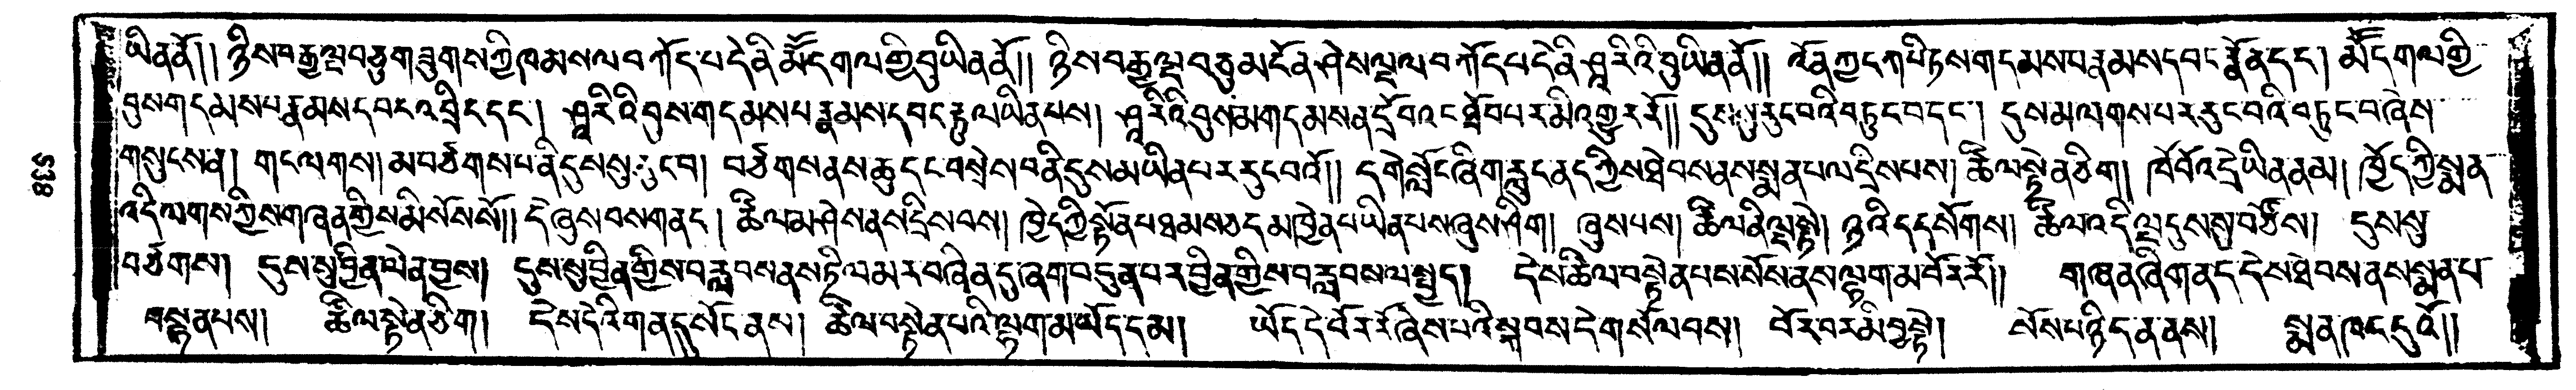ཡིན་ནོ།། ཉིས་བརྒྱ་ལྔ་བཅུ་གཟུགས་ཀྱི་ཁམས་ལ་བཀོད་པ་དེ་ནི་མཽ་དགལ་གྱི་བུ་ཡིན་ནོ།། ཉིས་བརྒྱ་ལྔ་བཅུ་མངོན་ཤེས་ལྔ་ལ་བཀོད་པ་དེ་ནི་ཤཱ་རིའི་བུ་ཡིན་ནོ།། འོན་ཀྱང་ཀ་པི་ཏས་གདམས་པ་རྣམས་དབང་རྣོན་དང་། མཽ་དགལ་གྱི་
བུས་གདམས་པ་རྣམས་དབང་འབྲིང་དང་། ཤཱ་རིའི་བུས་གདམས་པ་རྣམས་དབང་རྟུལ་ཡིན་པས། ཤཱ་རིའི་བུས་མ་གདམས་ན་དྲོ་བའང་ཐོབ་པར་མི་འགྱུར་རོ།། དུས་སུ་རུང་བའི་བཏུང་བ་དང་། དུས་མ་ལགས་པར་རུང་བའི་བཏུང་བ་ཞེས་
གསུངས་ན། གང་ལགས། མ་བཙགས་པ་ནི་དུས་སུ་རུང་བ། བཙགས་ནས་ཆུ་དང་བསྲེས་པ་ནི་དུས་མ་ཡིན་པར་རུང་བའོ།། དགེ་སློང་ཞིག་རླུང་ནད་ཀྱིས་ཐེབས་ནས་སྨན་པ་ལ་དྲིས་པས། ཚིལ་སྟེན་ཅིག། ཁོ་བོ་འདྲེ་ཡིན་ནམ། ཁྱོད་ཀྱི་སྨན་
འདི་ལགས་ཀྱིས་གཞན་གྱིས་མི་སོས་སོ།། དེ་ཞུས་བས་གནང་། ཚིལ་མ་ཤེས་ནས་དྲིས་བས། ཁྱེད་ཀྱི་སྟོན་པ་ཐམས་ཅད་མཁྱེན་པ་ཡིན་པས་ཞུས་ཤིག། ཞུས་པས། ཚིལ་ནི་ལྔ་སྟེ། ཉའི་དད་སོགས། ཚིལ་འདི་ལྔ་དུས་སུ་བཙོས། དུས་སུ་
བཙགས། དུས་སུ་བྱིན་ལེན་བྱས། དུས་སུ་བྱིན་གྱིས་བརླབས་ནས་ཏིལ་མར་བཞིན་དུ་ཞག་བདུན་པར་བྱིན་གྱིས་བརླབས་ལ་སྤྱད། དེས་ཚིལ་བསྟེན་པས་སོས་ནས་ལྷག་མ་བོར་རོ།། གཞན་ཞིག་ནད་དེས་ཐེབས་ནས་སྨན་པ་
བསྟན་པས། ཚིལ་སྟེན་ཅིག། དེས་དེའི་གན་དུ་སོང་ནས། ཚིལ་བསྟེན་པའི་ལྷག་མ་ཡོད་དམ། ཡོད་དེ་བོར་རོ་ཞེས་པའི་སྐབས་དེ་གསོལ་བས། བོར་བར་མི་བྱ་སྟེ། སོས་པ་ཉིད་ན་ནས། སྨན་ཁང་དུའོ།།